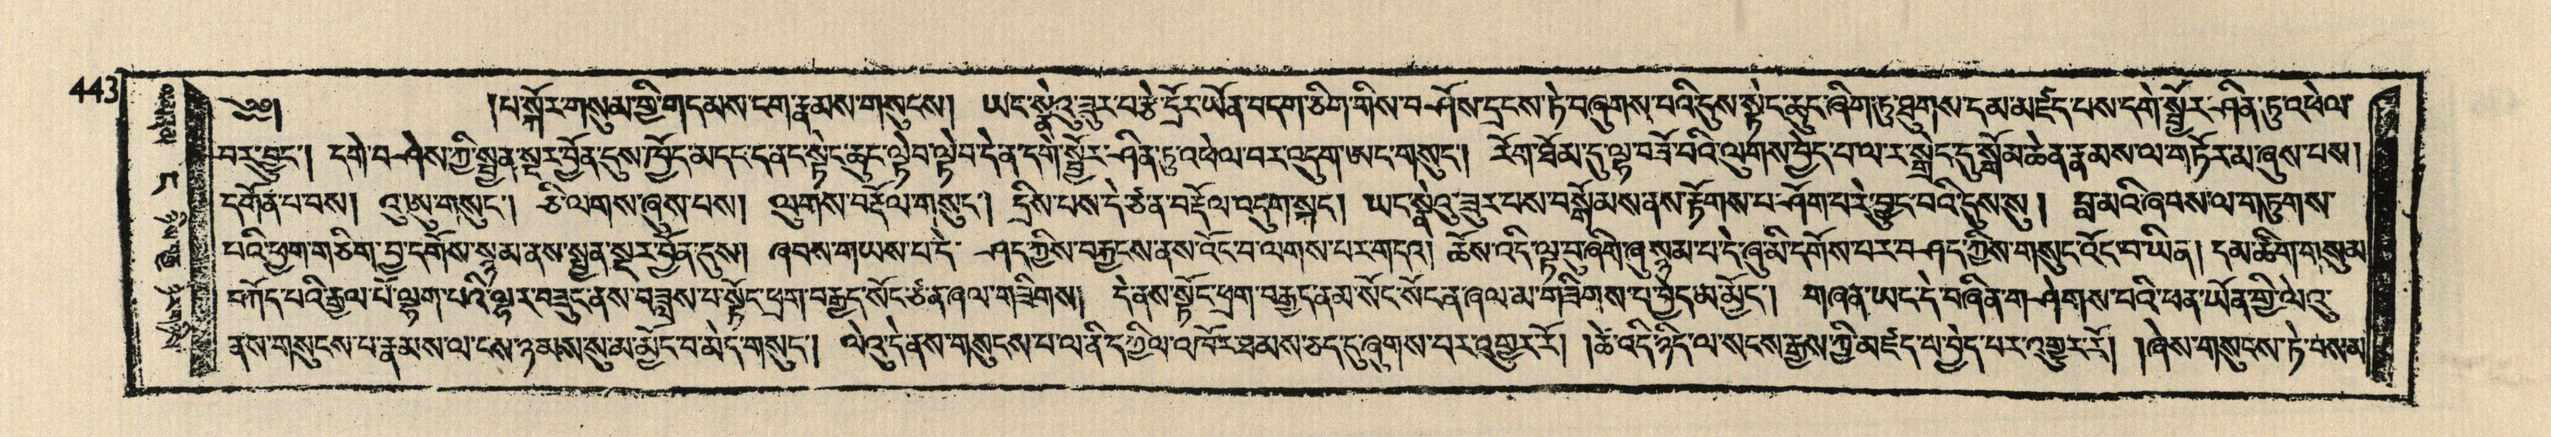༄༅། །པ་སྐོར་གསུམ་གྱི་གདམས་ངག་རྣམས་གསུངས། ཡང་སྣེའུ་ཟུར་པ་རྩེ་དྲོར་ཡོན་བདག་ཅིག་གིས་བཤོས་དྲངས་ཏེ་བཞུགས་པའི་དུས་སྟེང་ཆུང་ཞིག་ཏུ་ཐུགས་དམ་མཛད་པས་དགེ་སྦྱོར་ཤིན་ཏུ་འཕེལ་
བར་བྱུང་། དགེ་བཤེས་ཀྱི་སྦྱན་སྔར་བྱོན་དུས་ཁྱོད་མདང་ད་ནང་སྟེང་ཆུང་ལྟེ་བལྟེབ་དེ་ན་དགེ་སྦྱོར་ཤིན་ཏུ་འཕེལ་བར་འདུག་ཨང་གསུང་། རོག་ཐོམ་དུ་ལྷ་བཟོ་བའི་ལུགས་བྱེད་པ་ལ་ར་སྒྲེང་དུ་སྒོམ་ཆེན་རྣམས་ལ་གཏོར་མ་ཞུས་པས།
དགོན་པ་བས། འུ་ཨུ་གསུང་། ཅི་ལགས་ཞུས་པས། ལུགས་བརྡོལ་གསུང་། དྲིས་པས་དེ་ཙ་ན་བརྗོད་འདུག་སྐད། ཡང་སྣེའུ་ཟུར་པས་བསྒོམས་ནས་རྟོགས་པ་ཤོག་པ་རེ་བྱུང་བའི་དུས་སུ། བླ་མའི་ཞབས་ལ་གཏུགས་
པའི་ཕྱག་གཅིག་བྱ་དགོས་སྙམ་ནས་སྤྱན་སྔར་བྱོན་དུས། ཞབས་གཡས་པ་དེ་ཤད་ཀྱིས་བརྐྱངས་ནས་འོང་བ་ལགས་པར་གདའ། ཆོས་འདི་ལྟ་བུ་ཞིག་ཞུ་སྙམ་པ་དེ་ཞུ་མི་དགོས་པར་བཤད་ཀྱིས་གསུང་འོང་བ་ཡིན། དམ་ཚིག་གསུམ་
བཀོད་པའི་རྒྱལ་པོ་ལྷག་པའི་ལྷར་བཟུང་ནས་བཟླས་པ་སྟོང་ཕྲག་བརྒྱད་སོང་ཙ་ན་ཞལ་གཟིགས། དེ་ནས་སྟོང་ཕྲག་བརྒྱད་ནམ་སོང་སོང་ན་ཞལ་མ་གཟིགས་པ་བྱེད་མ་མྱོང་། གཞན་ཡང་དེ་བཞིན་གཤེགས་པའི་ཕན་ཡོན་གྱི་ལེའུ་
ནས་གསུངས་པ་རྣམས་ལ་ངས་ཉམས་སུ་མ་མྱོང་བ་མེད་གསུང་། ལེའུ་དེ་ནས་གསུངས་པ་ལ་ནི་དཀྱིལ་འཁོར་ཐམས་ཅད་དུ་ཞུགས་པར་འགྱུར་རོ། །ཚེ་འདི་ཉིད་ལ་སངས་རྒྱས་ཀྱི་མཛད་ལ་བྱེད་པར་འགྱུར་རོ། །ཞེས་གསུངས་ཏེ་བསམ་